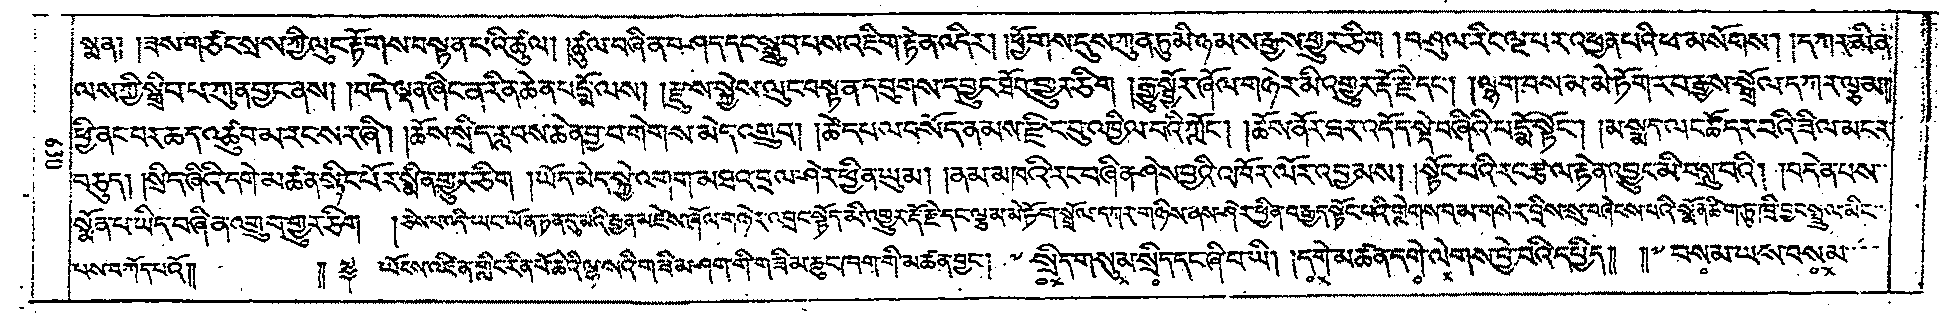སྨ་ན། །ཟས་གཙང་སྲས་ཀྱི་ལུང་རྟོགས་བསྟན་པའི་ཚུལ། །ཚུལ་བཞིན་བཤད་དང་སྒྲུབ་པས་འཇིག་རྟེན་འདིར། །ཕྱོགས་དུས་ཀུན་ཏུ་མི་ཉམས་རྒྱས་གྱུར་ཅིག །བཤུལ་རིང་ལྔ་པར་འཕྱན་པའི་ཕ་མ་སོགས། །དཀར་མིན་
ལས་ཀྱི་སྒྲིབ་པ་ཀུན་བྱང་ནས། །བདེ་ལྡན་ཞིང་ན་རིན་ཆེན་པདམོ་ལས། །རྫུས་སྐྱེས་ལུང་བསྟན་དབུགས་དབྱུང་ཐོབ་གྱུར་ཅིག །རྒྱུ་སྦྱོར་ཞོལ་གཉེར་མི་འགྱུར་རྡོ་རྗེ་དང་། །ལྷག་བསམ་མེ་ཏོག་རབ་རྒྱས་སྒྲོལ་དཀར་ལྕམ།།
ཕྱི་ནང་བར་ཆད་འཚུབ་མ་རང་སར་ཞི། །ཆོས་སྲིད་རླབས་ཆེན་བྱ་བ་གེགས་མེད་འགྲུབ། །ཚེ་དཔལ་བསོད་ནམས་རྫིང་བུ་འཁྱིལ་བའི་ཀློང་། །ཆོས་ནོར་ཐར་འདོད་སྡེ་བཞིའི་པདམོ་སྟོང་། །མ་སྨད་ལང་ཚོ་དར་བའི་ཟིལ་མངར་
བཅུད། །སྲིད་ཞིའི་དགེ་མཚན་སྙིང་པོར་སྨིན་གྱུར་ཅིག །ཡོད་མེད་སྐྱེ་འགག་མཐའ་བྲལ་ཤེར་ཕྱིན་ཡུམ། །ནམ་མཁའི་རང་བཞིན་ཤེས་བྱའི་འཁོར་ལོར་འབྱམས། །སྟོང་པའི་རང་རྩལ་རྟེན་འབྱུང་མི་བསླུ་བའི། །བདེན་པས་
སྨོན་པ་ཡིད་བཞིན་འགྲུབ་གྱུར་ཅིག །ཅེས་པ་འདི་ཡང་ཡོན་ཏན་དུ་མའི་རྒྱན་མཛེས་ཞོལ་གཉེར་འབྲང་སྟོད་མི་འགྱུར་རྡོ་རྗེ་དང་ལྕམ་མེ་ཏོག་སྒྲོལ་དཀར་གཉིས་ནས་ཤེར་ཕྱིན་བརྒྱད་སྟོང་པའི་གླེགས་བམ་གསེར་བྲིས་སུ་བཞེངས་པའི་སྨོན་ཚིག་ཏུ་ཁྲི་བྱང་སྤྲུལ་མིང་
པས་བཀོད་པའོ།། །། ༈ ཡོངས་འཛིན་གླིང་རིན་པོ་ཆེའི་ལྷ་སའི་གཟིམ་ཤག་གི་གཟིམ་ཆུང་ཁག་གི་མཚན་བྱང་། ༧སྲིད྾་྾་གསུམ་྾་སྲིད྾་དང་ཞི་བ་ཡི། །དགེ྾་྾་མཚན་དགེ྾་ལེགས་྾་བྱེ་བའི་དཔྱིད།། །། ༧བསམ྾་ཡས་བསམ྾་྾་